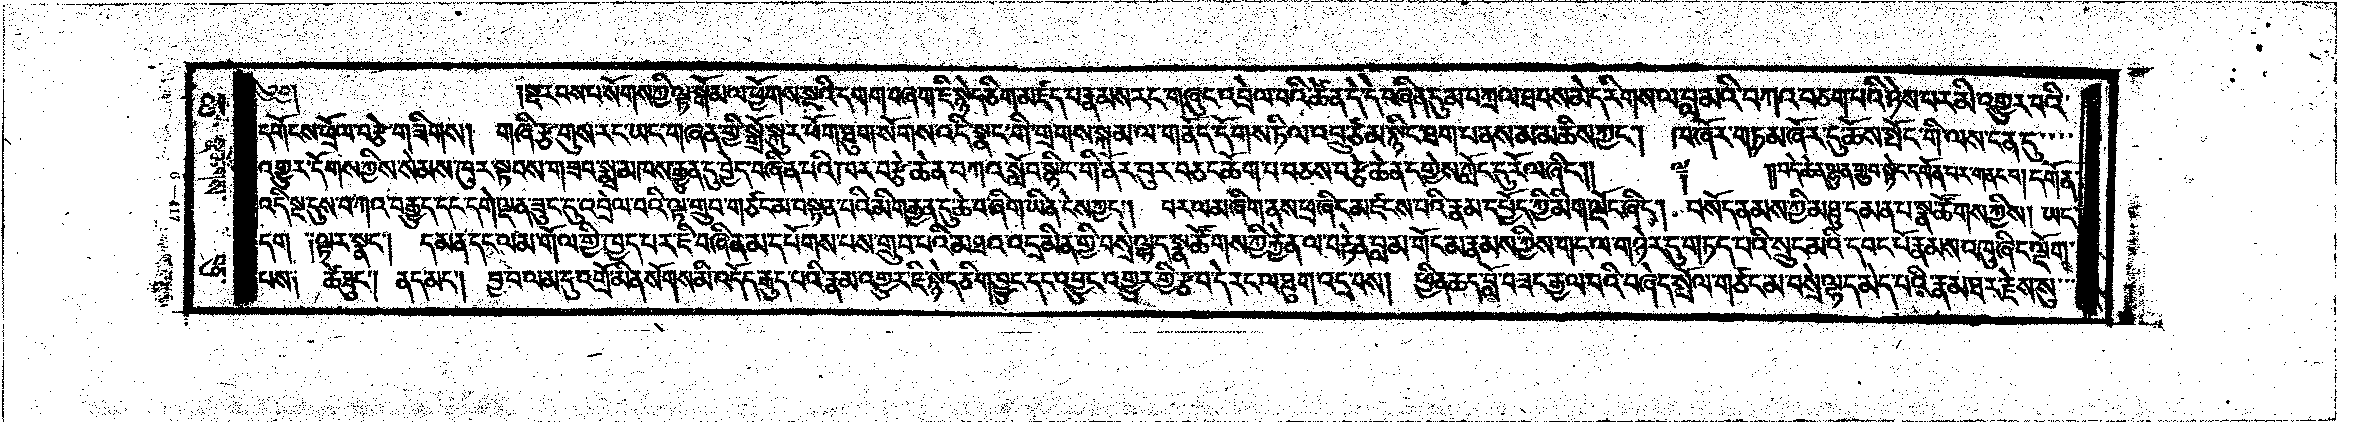༄༅། །སྔ་རབས་པ་སོགས་ཀྱི་ལྟ་སྒོམ་ལ་ཕྱོགས་སྔའི་དགག་བཞག་ཇི་སྙེད་ཅིག་མཛད་པ་རྣམས་རང་གཞུང་འབྲེལ་བའི་ཚེན་དེ་དེ་བཞིན་དུམ་བཀྲལ་ཐབས་མེད་རིགས་ལ་བླ་མའི་བཀའ་བཅག་པའི་ཉེས་པར་མི་འགྱུར་བའི་
དགོངས་ཕྲོལ་བརྩེ་གཟིགས། གཞི་རྩ་གུས་རང་ཡང་གཞན་གྱི་སྒྲོ་སྐུར་ཕོག་ཐུག་སོགས་འདི་སྣང་གི་གྲགས་སྐམ་ལ་གནོད་དོགས་ཏིལ་འབྲུ་ཙམ་སྙིང་ཐག་པ་ནས་མ་མཆིས་ཀྱང་། ཁ་ཞོར་གཏམ་ཞོར་དུ་ཆོས་སྤོང་གི་ལས་ངན་དུ་
འགྱུར་དོགས་ཀྱིས་སེམས་ཁུར་སྟབས་གཟབ་སྨྲ་མཁས་རྒྱུན་དུ་བྱེད་བཞིན་པའི་ཁར་བརྩེ་ཆེན་བཀའ་སློབ་སྙིང་གི་ནོར་བུར་བཅང་ཆོག་པ་བཅས་བརྩེ་ཆེན་དགྱེས་ཀློང་དུ་རོལ་ཞིང།། ༈ །།བདེ་ཆེན་ལྷུན་གྲུབ་སྟེང་དགོན་པར་གནང་བ།  དགོན་
འདི་སྔ་དུས་བཀའ་བརྒྱུད་དང་དགེ་ལྡན་ཟུང་དུ་འབྲེལ་བའི་ལྟ་གྲུབ་གཙང་མ་བསྟན་པའི་མིག་རྒྱན་དུ་ཆེ་བ་ཞིག་ཡིན་ངེས་ཀྱང་། བར་ལམ་ཞིག་ནས་ཕྲ་ཞིང་མཛངས་པའི་རྣམ་དཔྱོད་ཀྱི་མིག་ལྡོང་ཞིང་། བསོད་ནམས་ཀྱི་མཐུ་དམན་པ་སྣ་ཚོགས་ཀྱིས། ཡང་
དག ༑ལྟར་སྣང་། དམན་དང་ལམ་གོལ་གྱི་ཁྱད་པར་ཇི་བཞིན་མ་དཔོགས་པས་གྲུབ་པའི་མཐའ་འདྲ་མིན་གྱི་བསྲེ་ལྷད་སྣ་ཚོགས་ཀྱི་རྐྱེན་ལ་བརྟེན་བླ་མ་གོང་མ་རྣམས་ཀྱིས་གང་ལ་གཉེར་དུ་གཏད་པའི་སྲུང་མའི་དབང་པོ་རྣམས་འཁུ་ཞིང་ལྡོགས་
པས༑ ཚེ་ཐུང་། ནད་མང་། བྱ་བ་ལམ་དུ་འགྲོ་མིན་སོགས་མི་འདོད་རྒུད་པའི་རྣམ་འགྱུར་ཇི་སྙེད་ཅིག་བྱུང་དང་འབྱུང་འགྱུར་གྱི་རྩ་བ་དེ་རང་ལ་ཐུག་འདྲ་བས། ཕྱིན་ཆད་བློ་བཟང་རྒྱལ་བའི་བཞེད་སྲོལ་གཙང་མ་བསྲེ་ལྷད་མེད་པའི་རྣམ་ཐར་རྗེས་སུ་